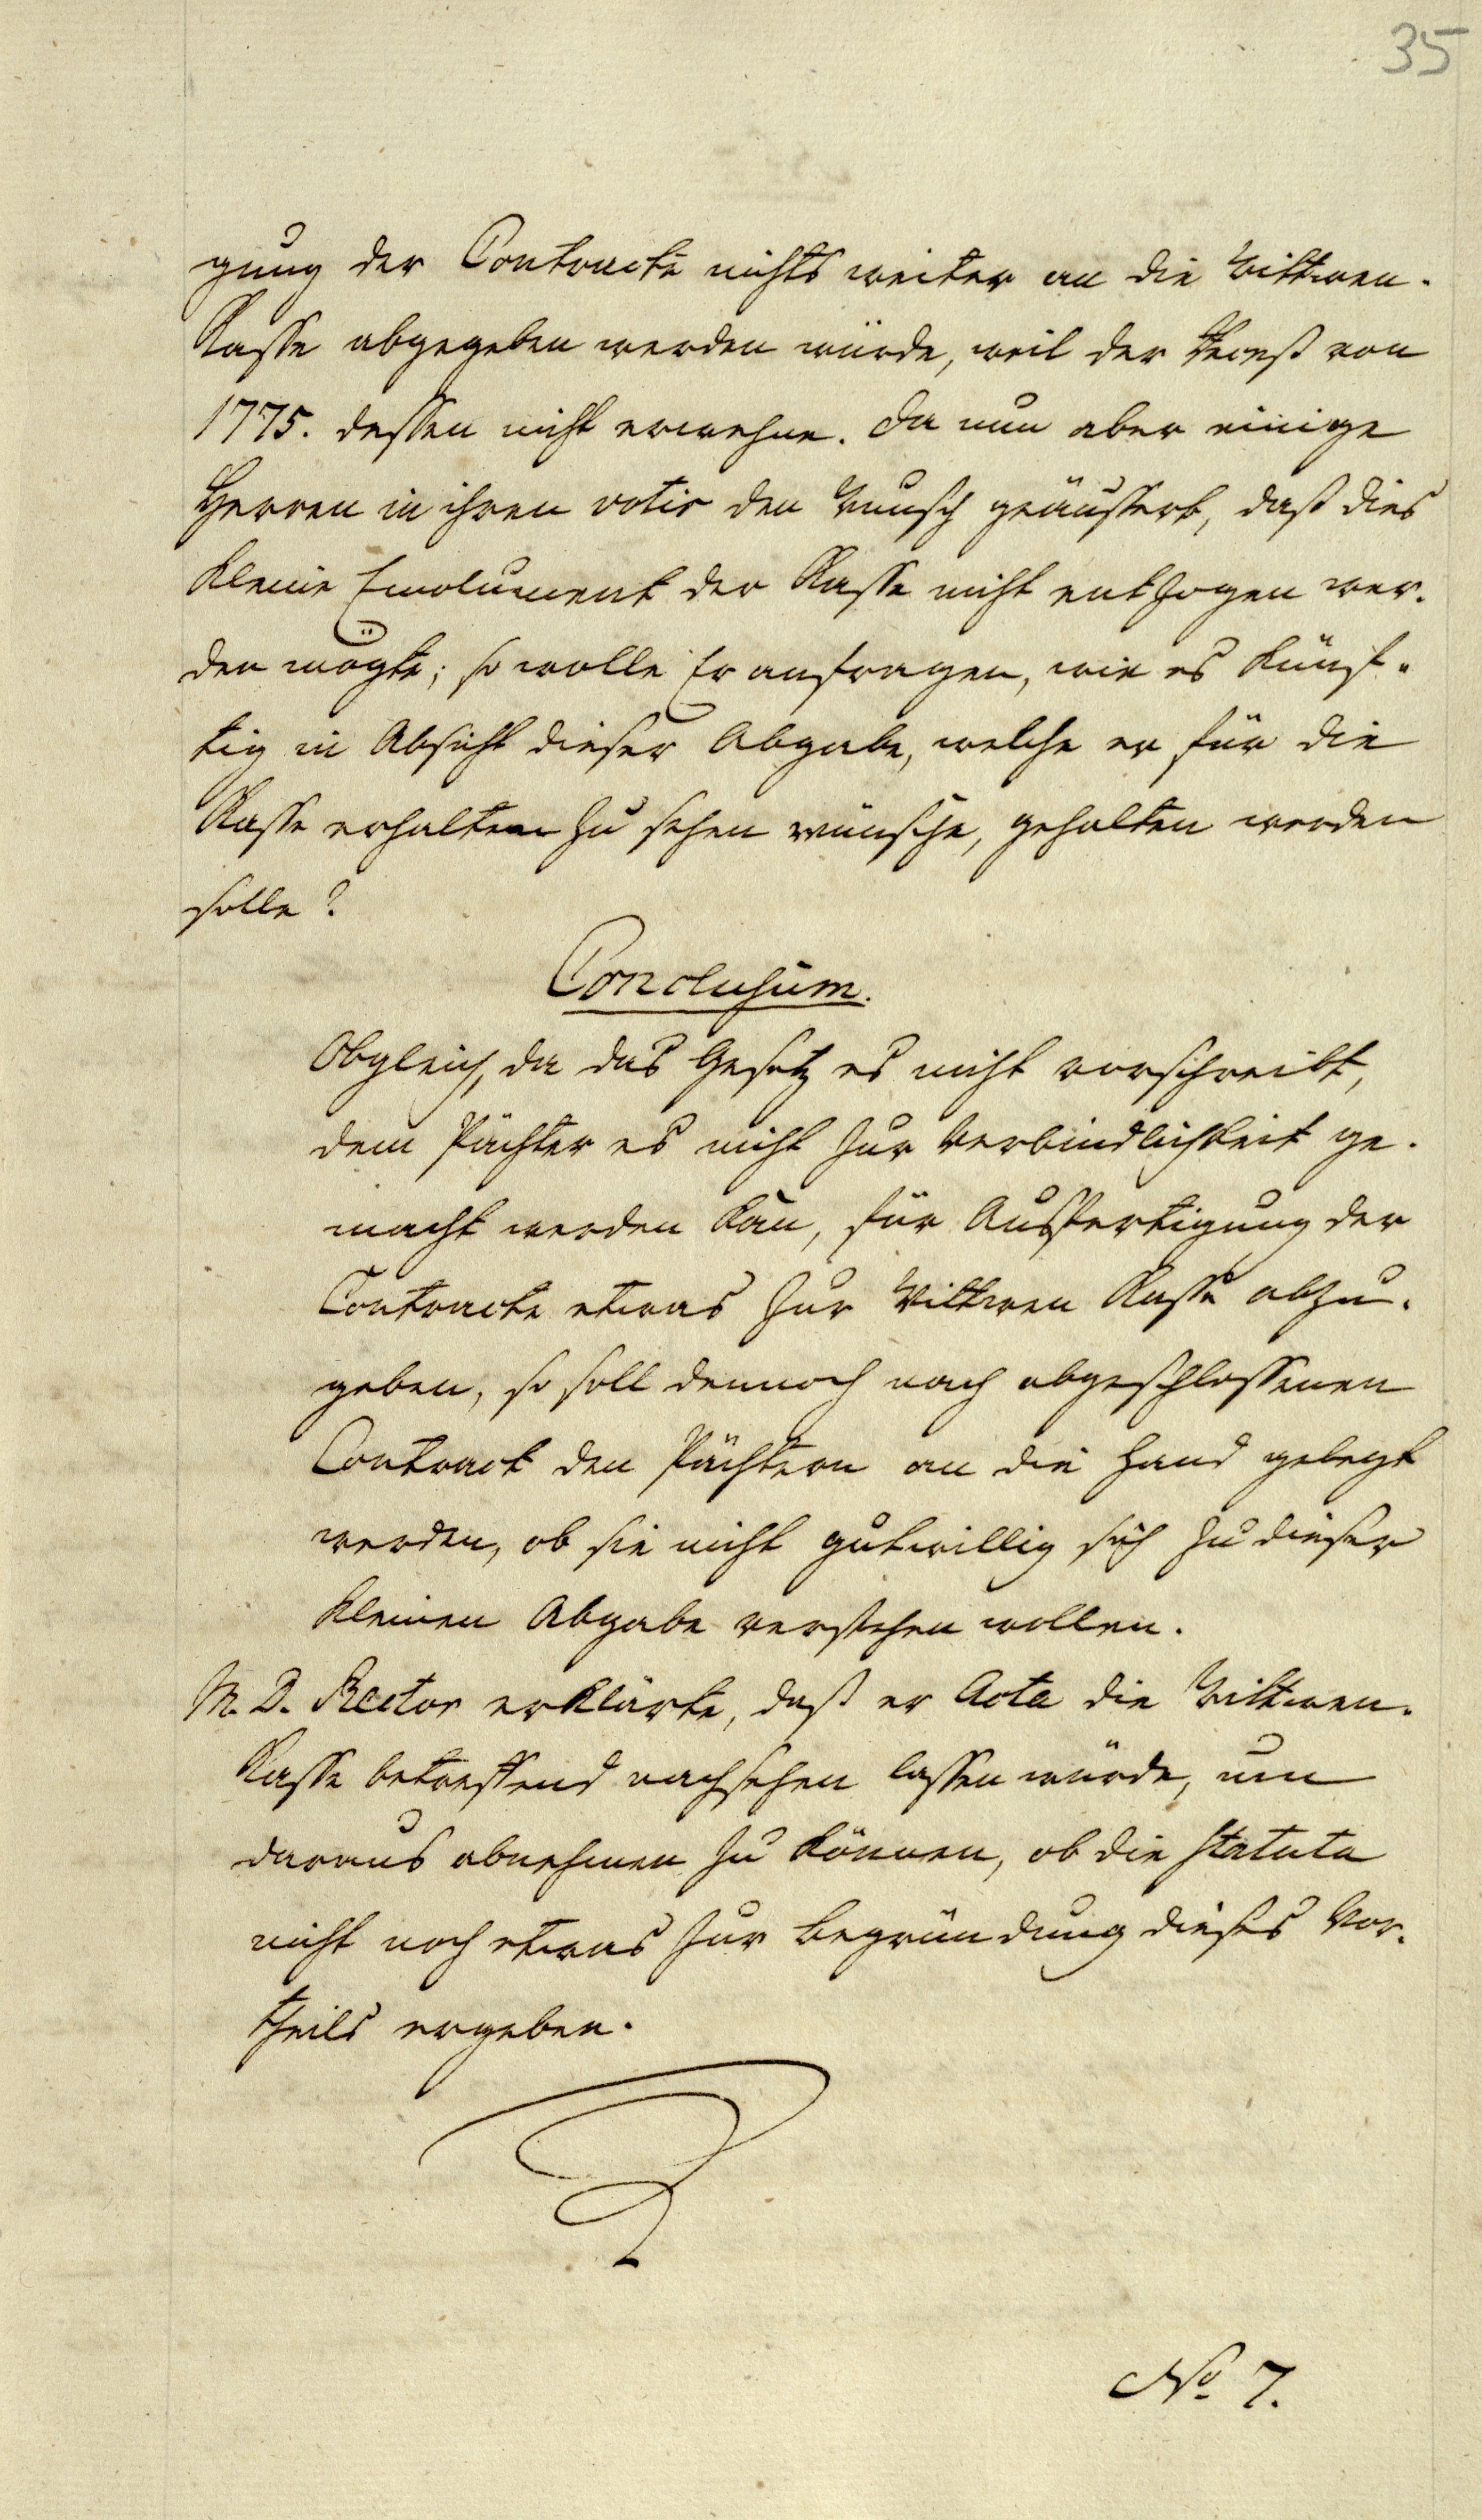gung der Contracte nichts weiter an die Wittwen¬
Kasse abgegeben werden würde, weil der Receß von
1775. dessen nicht erwehne. Da nun aber einige
Herren in ihren votis den Wunsch geäussert, daß dies
kleine Emolument der Kasse nicht entzogen wer¬
den mögte; so wolle Er anfragen, wie es künf¬
tig in Absicht dieser Abgabe, welche er für die
Kasse erhalten zu sehen wünsche, gehalten werden
solle?
Conclusum.
Obgleich, da das Gesetz es nicht vorschreibt,
dem Pächter es nicht zur Verbindlichkeit ge¬
macht werden kan, für Ausfertigung der
Contracte etwas zur Wittwen Kasse abzu¬
geben, so soll dennoch nach abgeschlossenen
Contract den Pächtern an die Hand gelegt
werden, ob sie nicht gutwillig sich zu dieser
kleinen Abgabe verstehen wollen.
M. D. Rector erklärte, daß er Acta die Wittwen¬
Kasse betreffend nachsehen lassen würde, um
daraus abnehmen zu können, ob die statuta
nicht noch etwas zur Begründung dieses Vor¬
theils ergeben.
No 7.